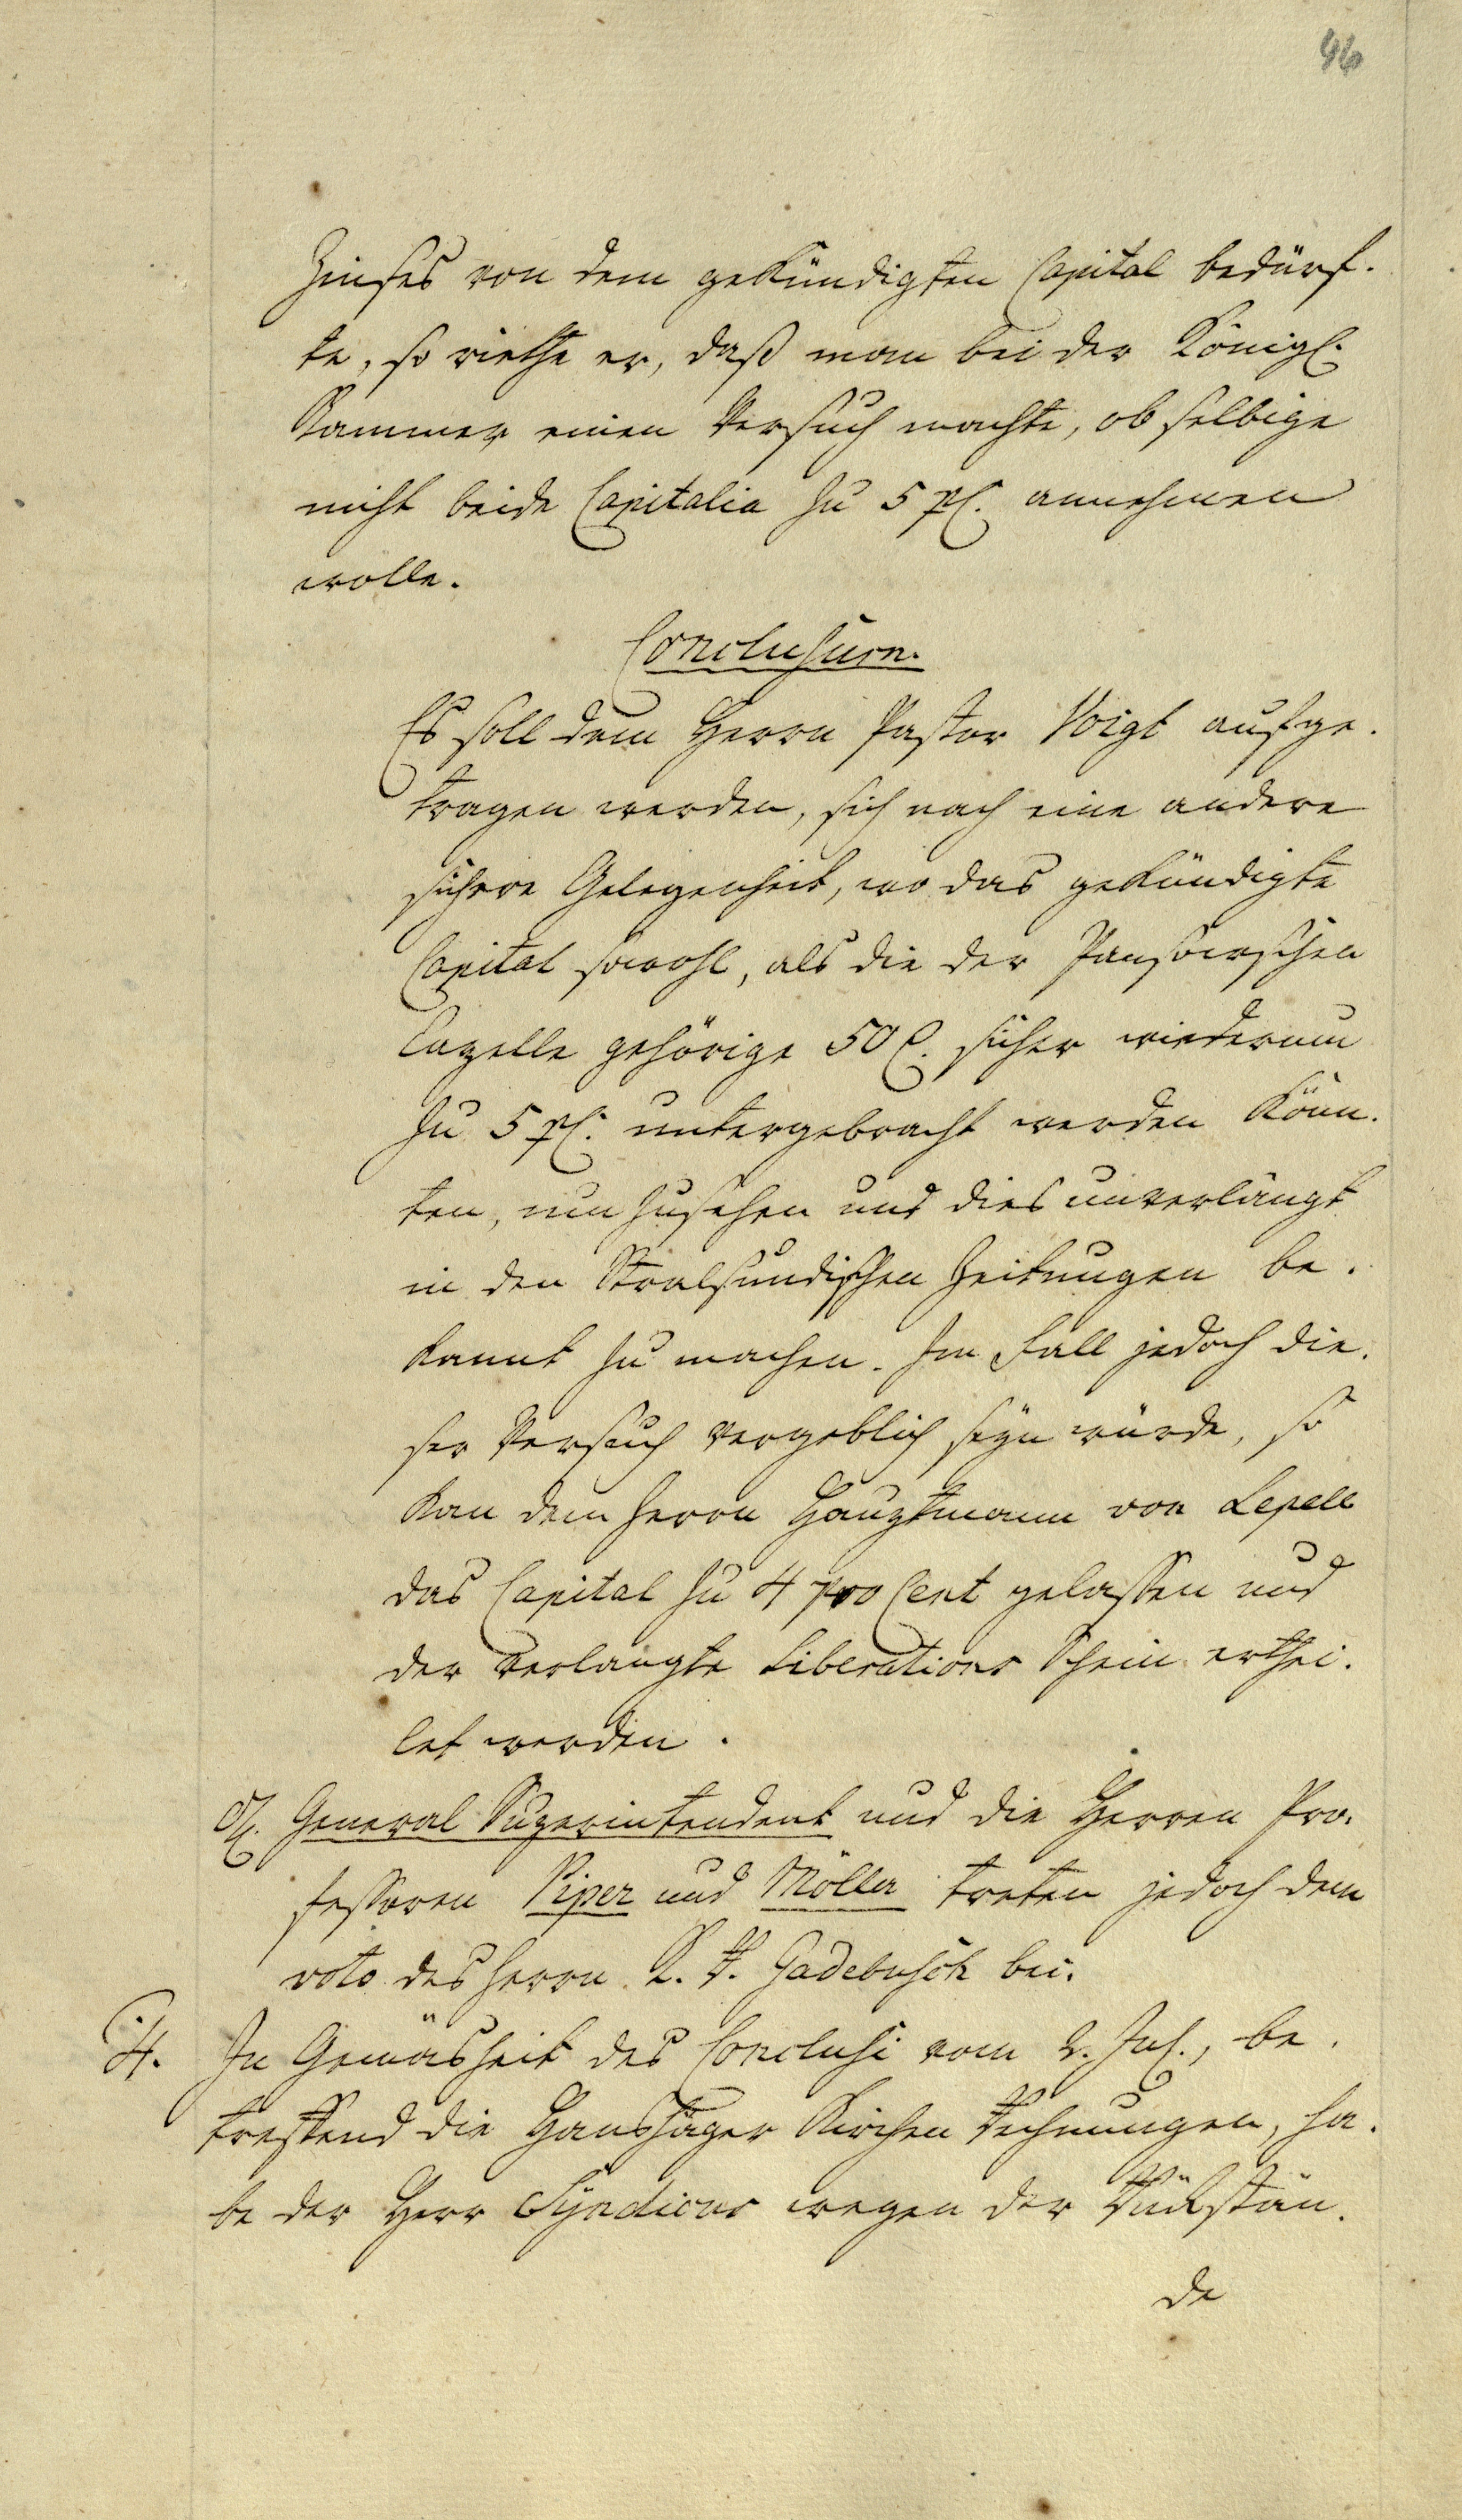Zinses von dem gekündigten Capital bedürf¬
te, so riethe er, daß man bei der Königl.
Kammer einen Versuch machte, ob selbige
nicht beide Capitalia zu 5 pl. annehmen
wolle.
Conclusum.
Es soll dem Herrn Pastor Voigt aufge¬
tragen werden, sich nach eine andere
sichere Gelegenheit, wo das gekündigte
Capital sowohl, als die der Pansowschen
Capelle gehörige 50 l. sicher wiederum
zu 5 pl. untergebracht werden könn¬
ten, um zusehen und dies unverlängt
in den Stralsundischen Zeitungen be¬
kannt zu machen. Im Fall jedoch die¬
ser Versuch vergeblich seÿn würde, so
kan dem Herrn Hauptmann von Lepell
das Capital zu 4 pro cent gelassen und
der verlangte Liberations Schein erthei¬
let werden.
dh. General Superintendent und die Herren Prof¬
fessoren Piper und Möller treten jedoch dem
voto des Herrn K. R. Gadebusch bei.
4. In Gemäsheit des Conclusi vom 2. Jul., be¬
treffend die Hanshäger Kirchen Rechnungen, ha¬
be der Herr Sÿndicus wegen der Rückstän¬
de